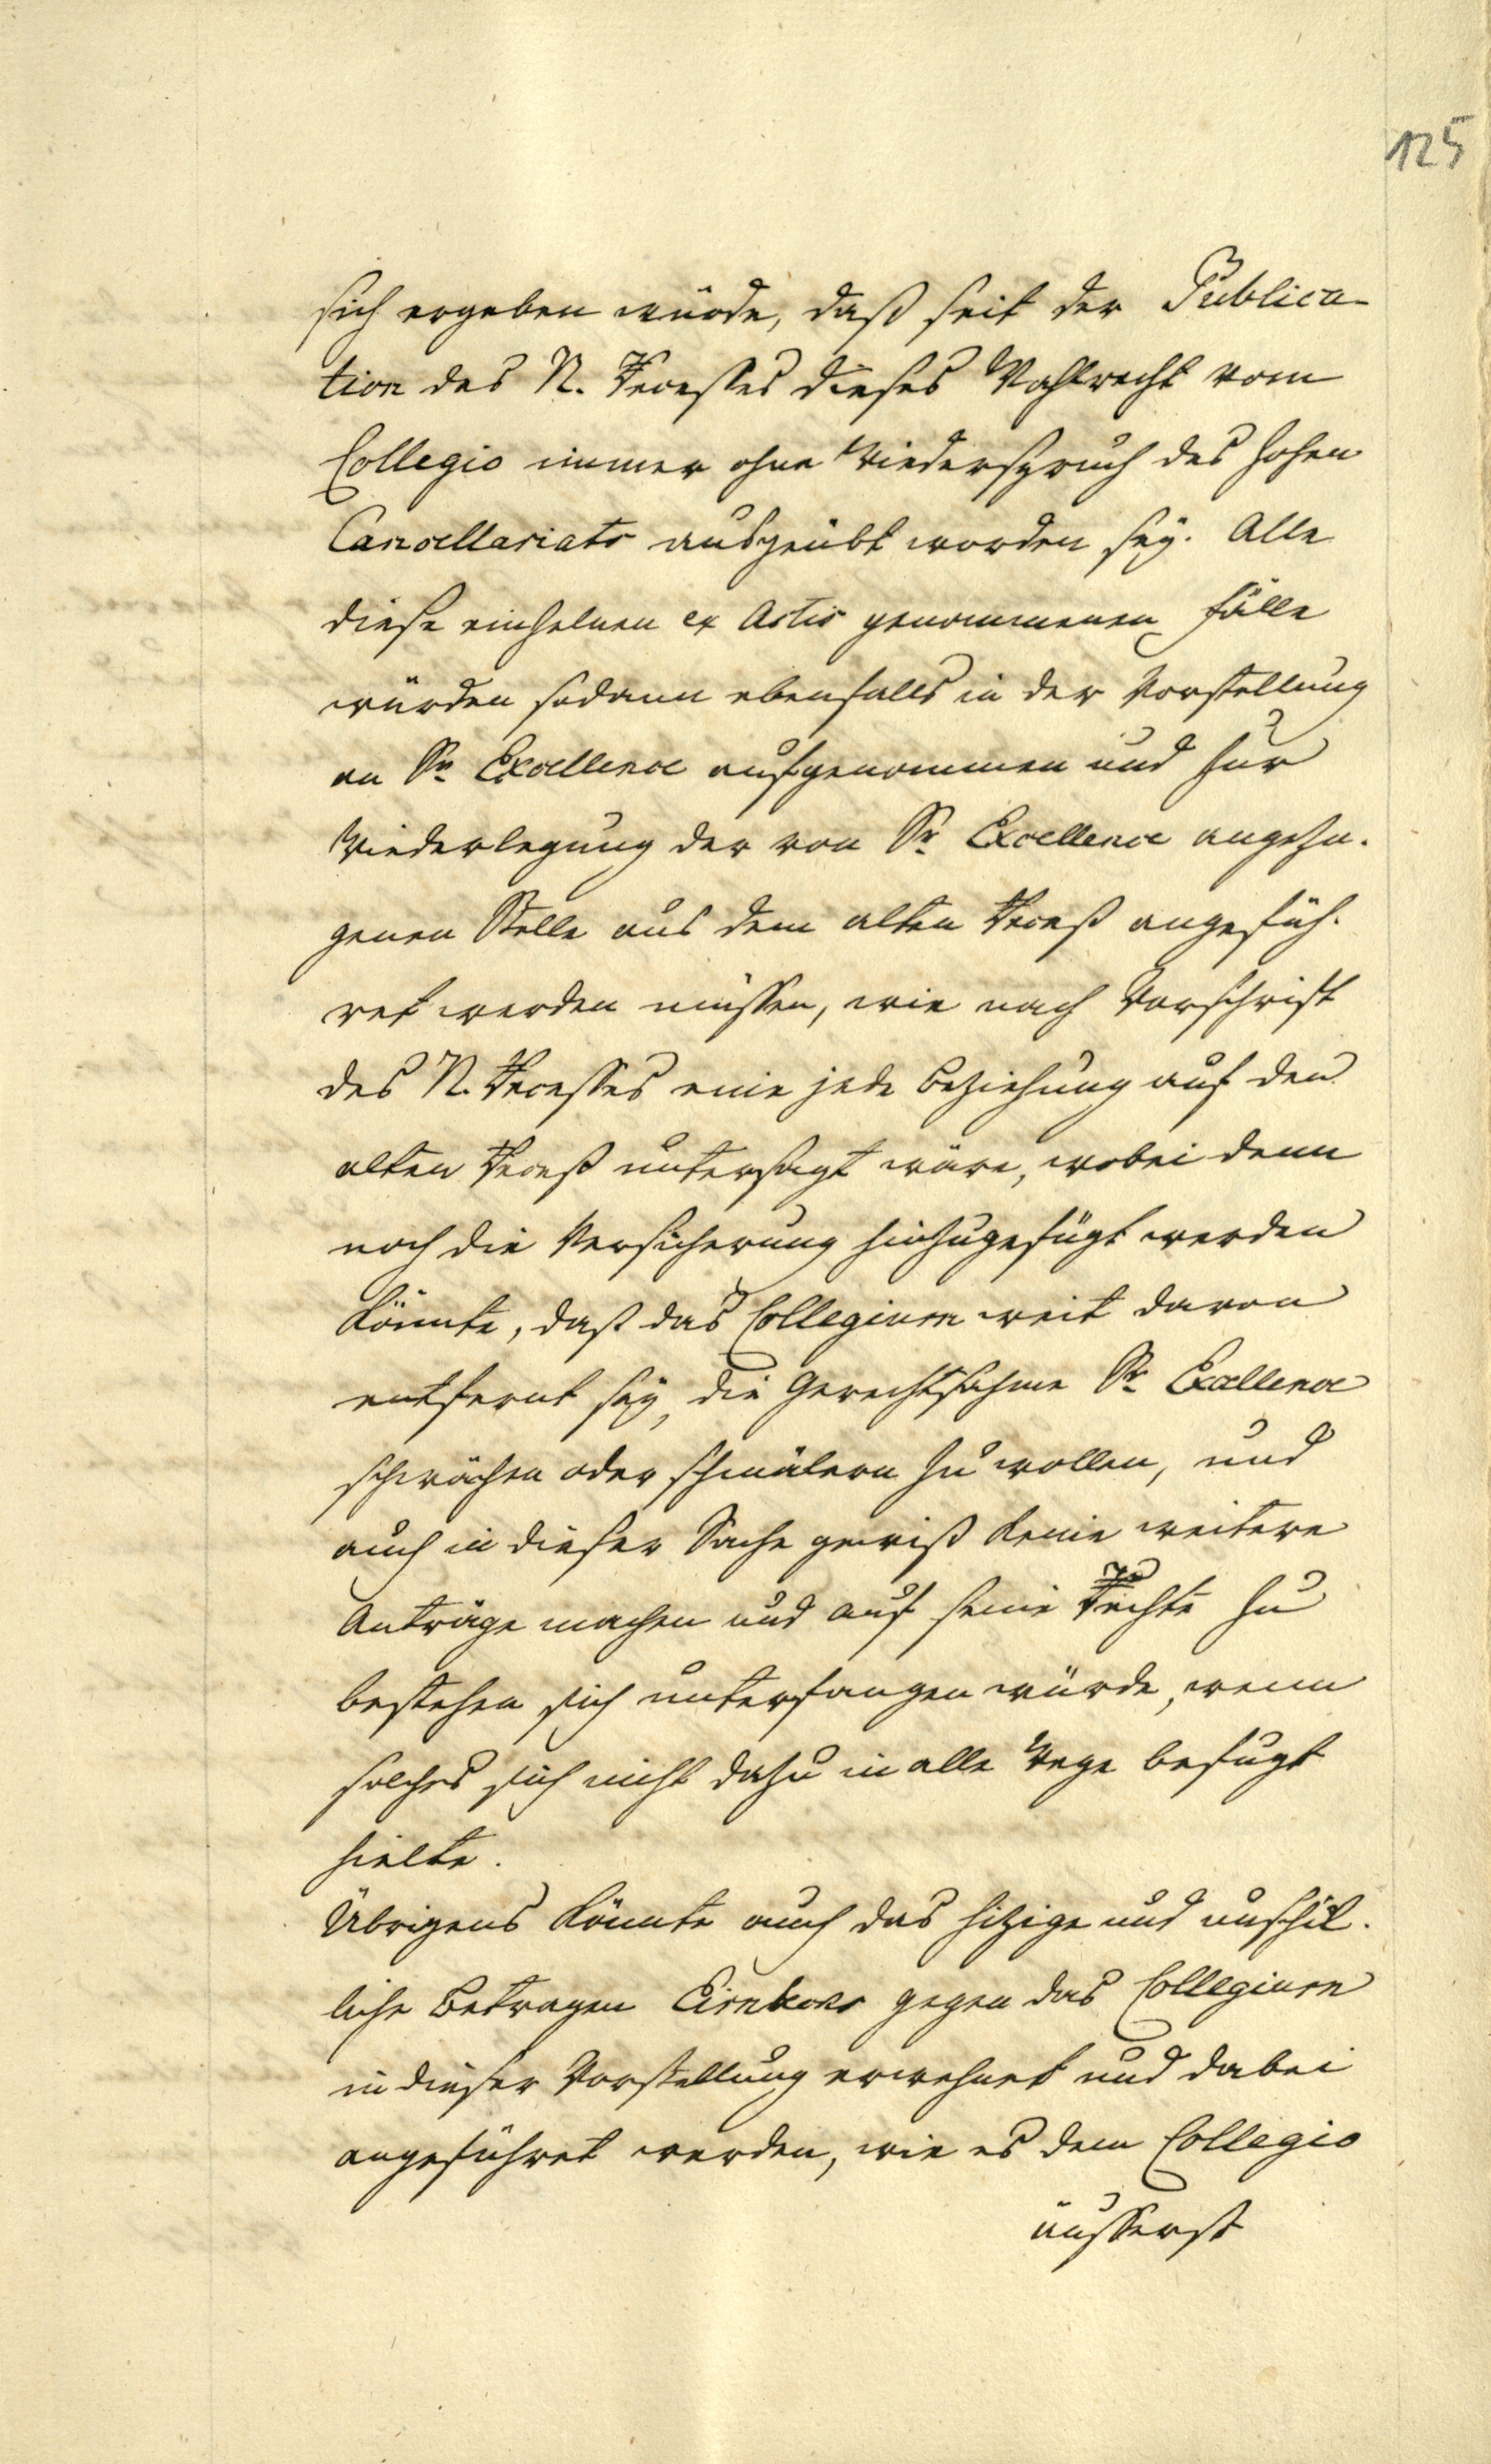sich ergeben würde, daß seit der Publica¬
tion des N. Recesses dieses Wahlrecht vom
Collegio immer ohne Wiederspruch des hohen
Cancellariats ausgeübt worden seÿ. Alle
diese einzelnen ex Actis genommenen Fälle
würden sodann ebenfalls in der Vorstellung
an Sr Excellence aufgenommen und zur
Wiederlegung der von Sr Excellence angezu¬
genen Stelle aus dem alten Receß angefüh¬
ret werden müssen, wie nach Vorschrift
des N. Recesses eine jede Beziehung auf den
alten Receß untersagt wäre, wobei denn
noch die Versicherung hinzugefügt werden
könnte, daß das Collegium weit davon
eitfernt seÿ, die Gerechtsahme Sr Excellence
schwächen oder schmälern zu wollen, und
auch in dieser Sache gewiß keine weitere
Anträge machen und auf seine Rechte zu
bestehen sich unterfangen würde, wenn
solches sich nicht dazu in alle Wege befugt
hielte.
Übrigens könnte auch das hitzige und unschick¬
liche Betragen Eimdecks gegen das Collegium
in dieser Vorstellung erwehnet und dabei
angeführet werden, wie es dem Collegio
äusserst